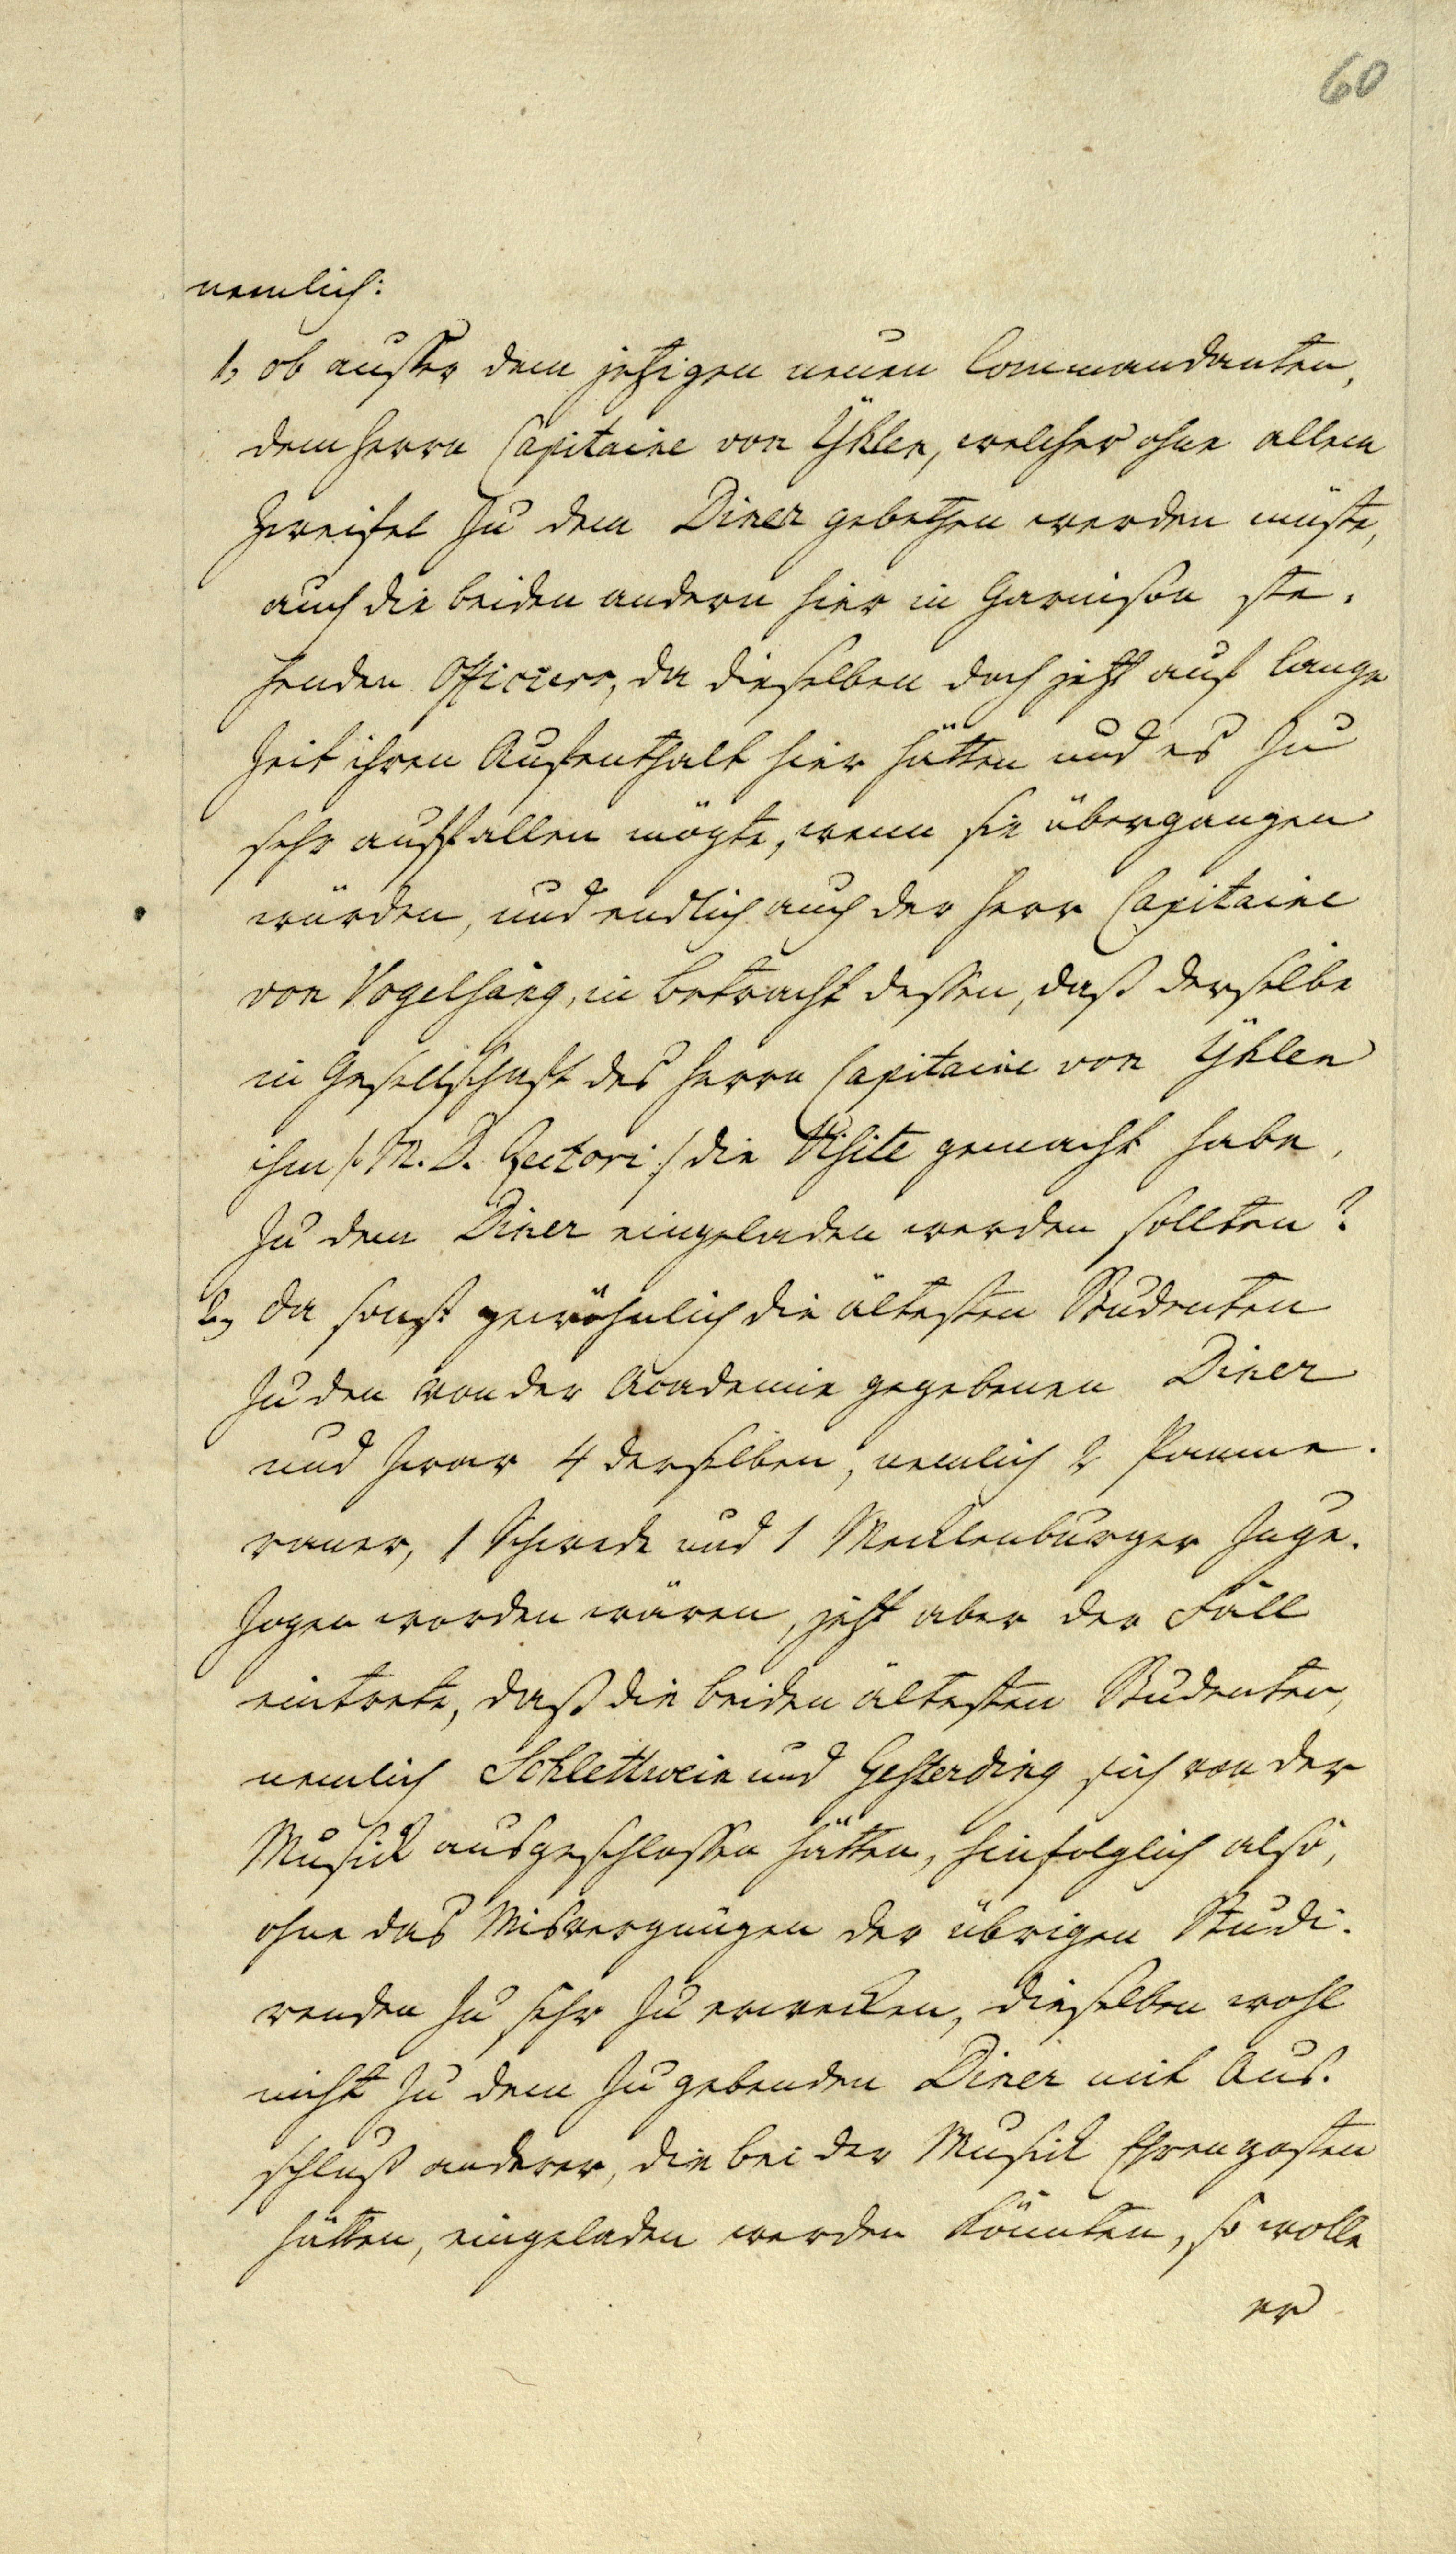nemlich:
1., ob ausser dem jetzigen neuen Commandanten,
dem Herrn Capitaine von Yhlen, welcher ohne allen
Zweifel zu dem Diner gebethen werden müßte,
auch die beiden andern hier in Garnison ste¬
henden Officiers, da dieselben doch jetzt auf lange
Zeit ihren Aufenthalt hier hätten und es zu
sehr auffallen mögte, wenn sie übergangen
würden, und endlich auch der Herr Capitaine
von Vogelsang, in Betracht dessen, daß derselbe
in Gesellschaft des Herrn Capitaine von Yhlen
ihm /. M. D. Rectori :/ die Visite gemacht habe,
zu dem Diner eingeladen werden sollten?
2., Da sonst gewöhnlich die ältesten Studenten
zu den von der Academie gegebenen Diner
und zwar 4 derselben, nemlich 2 Pomme¬
raner, 1 Schwede und 1 Mecklenburger zuge¬
zogen worden wären, jetzt aber der Fall
eintrete, daß die beiden ältesten Studenten,
nemlich Schlettwein und Gesterding sich von der
Musick ausgeschlossen hätten, hinfolglich also,
ohne das Misvergnügen der übrigen Studi¬
renden zu sehr zu erwecken, dieselben wohl
nicht zu dem zu gebenden Diner mit Aus¬
schluß anderer, die bei der Musick Ehrenposten
hätten, eingeladen werden könnten, so wolle
er